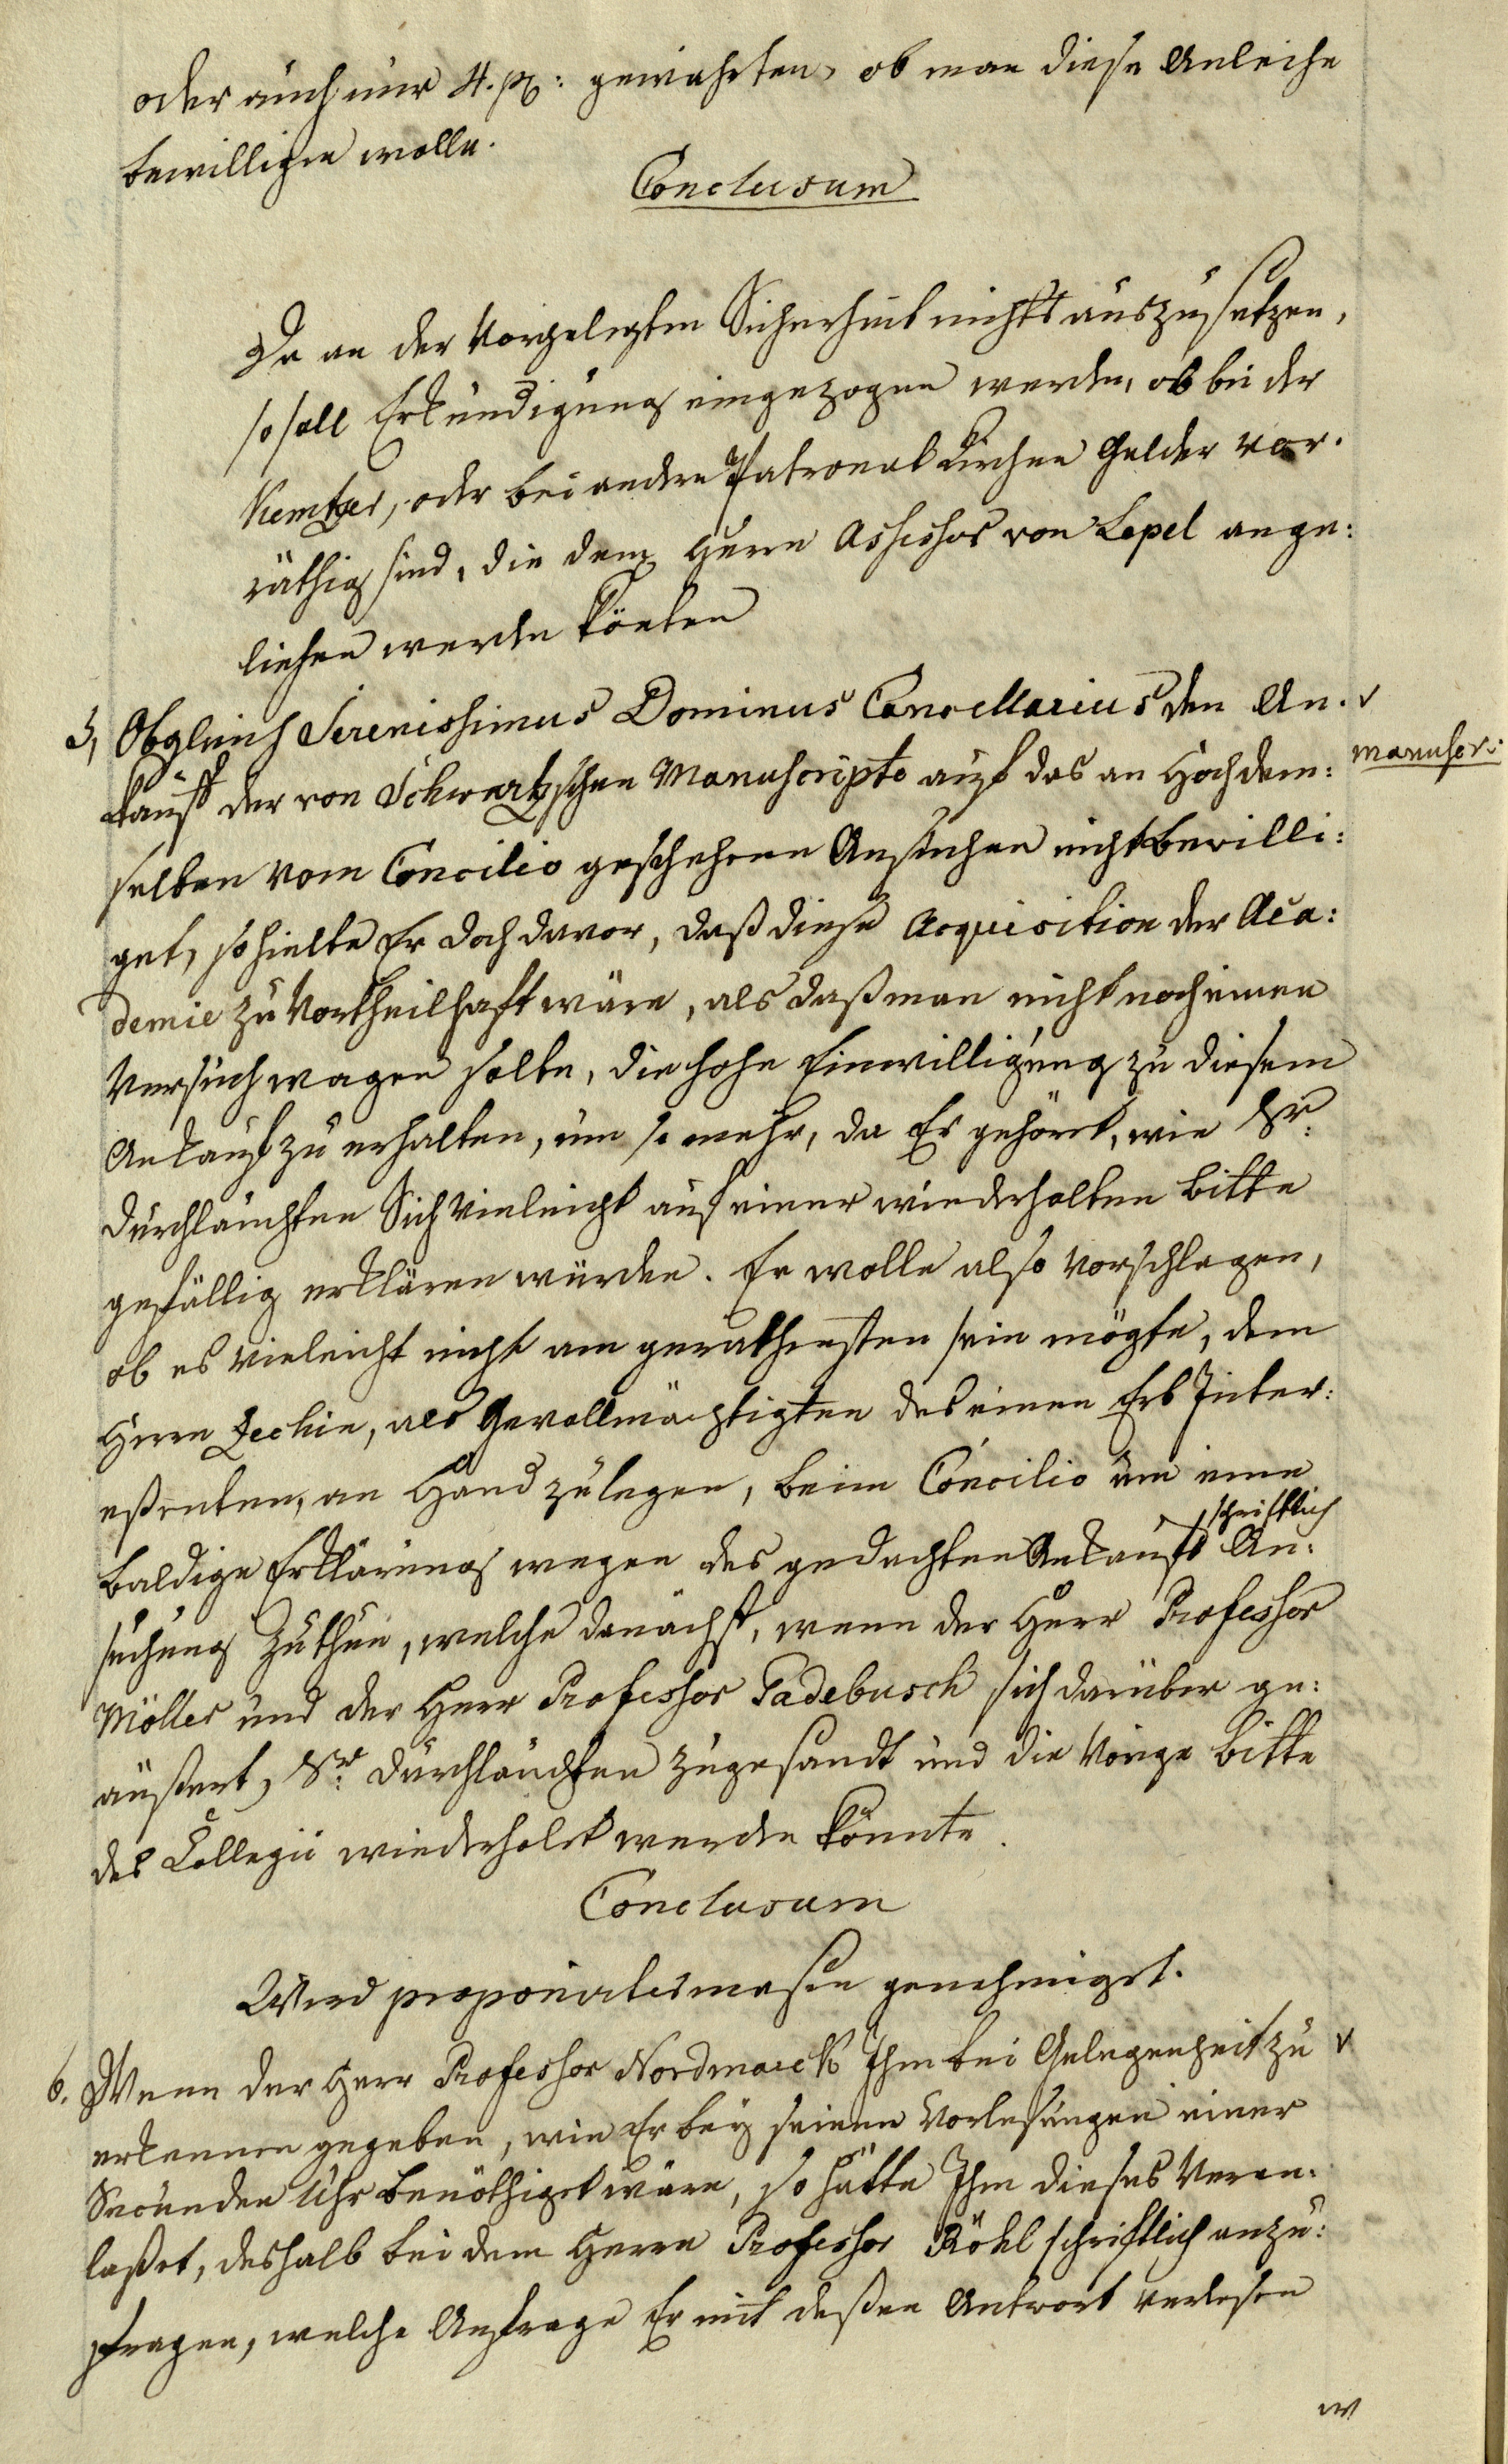oder auch nur 4. p. gewährten, ob man diese Anleihe
bewilligen wolle.
Conclusum
Da an der vorgelegten Sicherheit nichts auszusetzen,
so soll Erkundigung eingezogen werden, ob bei der
Kemtzer, oder bei andern Patronat Kirchen Gelder vor¬
räthig sind, die dem Herrn Assessor von Lepel ange¬
liehen werden könten.
5, Obgleich Serenissimus Dominus Cancellarius den An¬
kauf der von Schwartzschen Manuscripte auf das an Hochdem¬
selben vom Concilio geschehenen Ansuchen nicht bewilli¬
get, so hielte Er doch davor, daß diese Acquisition der Aca¬
demie zu vortheilhaft wäre, als daß man nicht noch einen
Versuch wagen solte, die hohe Einwilligung zu diesem
Ankauf zu erhalten, um so mehr, da Er gehöret, wie Sr.
Durchlauchten Sich vieleicht auf einer wiederholten Bitte
gefällig erklären würden. Er wolle also vorschlagen,
ob es vieleicht nicht am gerathensten sein mögte, dem
Herrn Zechin, als Gevollmächtigten des einen Erb Inter¬
eßenten, an Hand zu legen, beim Concilio um eine
baldige Erklärung wegen des gedachten Ankaufs schriftlich An¬
suchung zu thun, welche danächst, wenn der Herr Professor
Möller und der Herr Professor Gadebusch sich darüber ge¬
äußert, Sr. Durchlauchten zugesandt und die vorige Bitte
des Collegii wiederholet werden könnte.
Conclusum
Wird proponirtermaßen genehmiget.
6. Wenn der Herr Professor Nordmarck Ihm bei Gelegenheit zu
erkennen gegeben, wie Er beÿ seinen Vorlesungen einer
Secunden Uhr benötiget wäre, so hätte Ihm dieses veran¬
laßet, deshalb bei dem Herrn Professor Röhl schriftlich anzu¬
fragen, welche Anfrage Er mit deßen Antwort verlesen